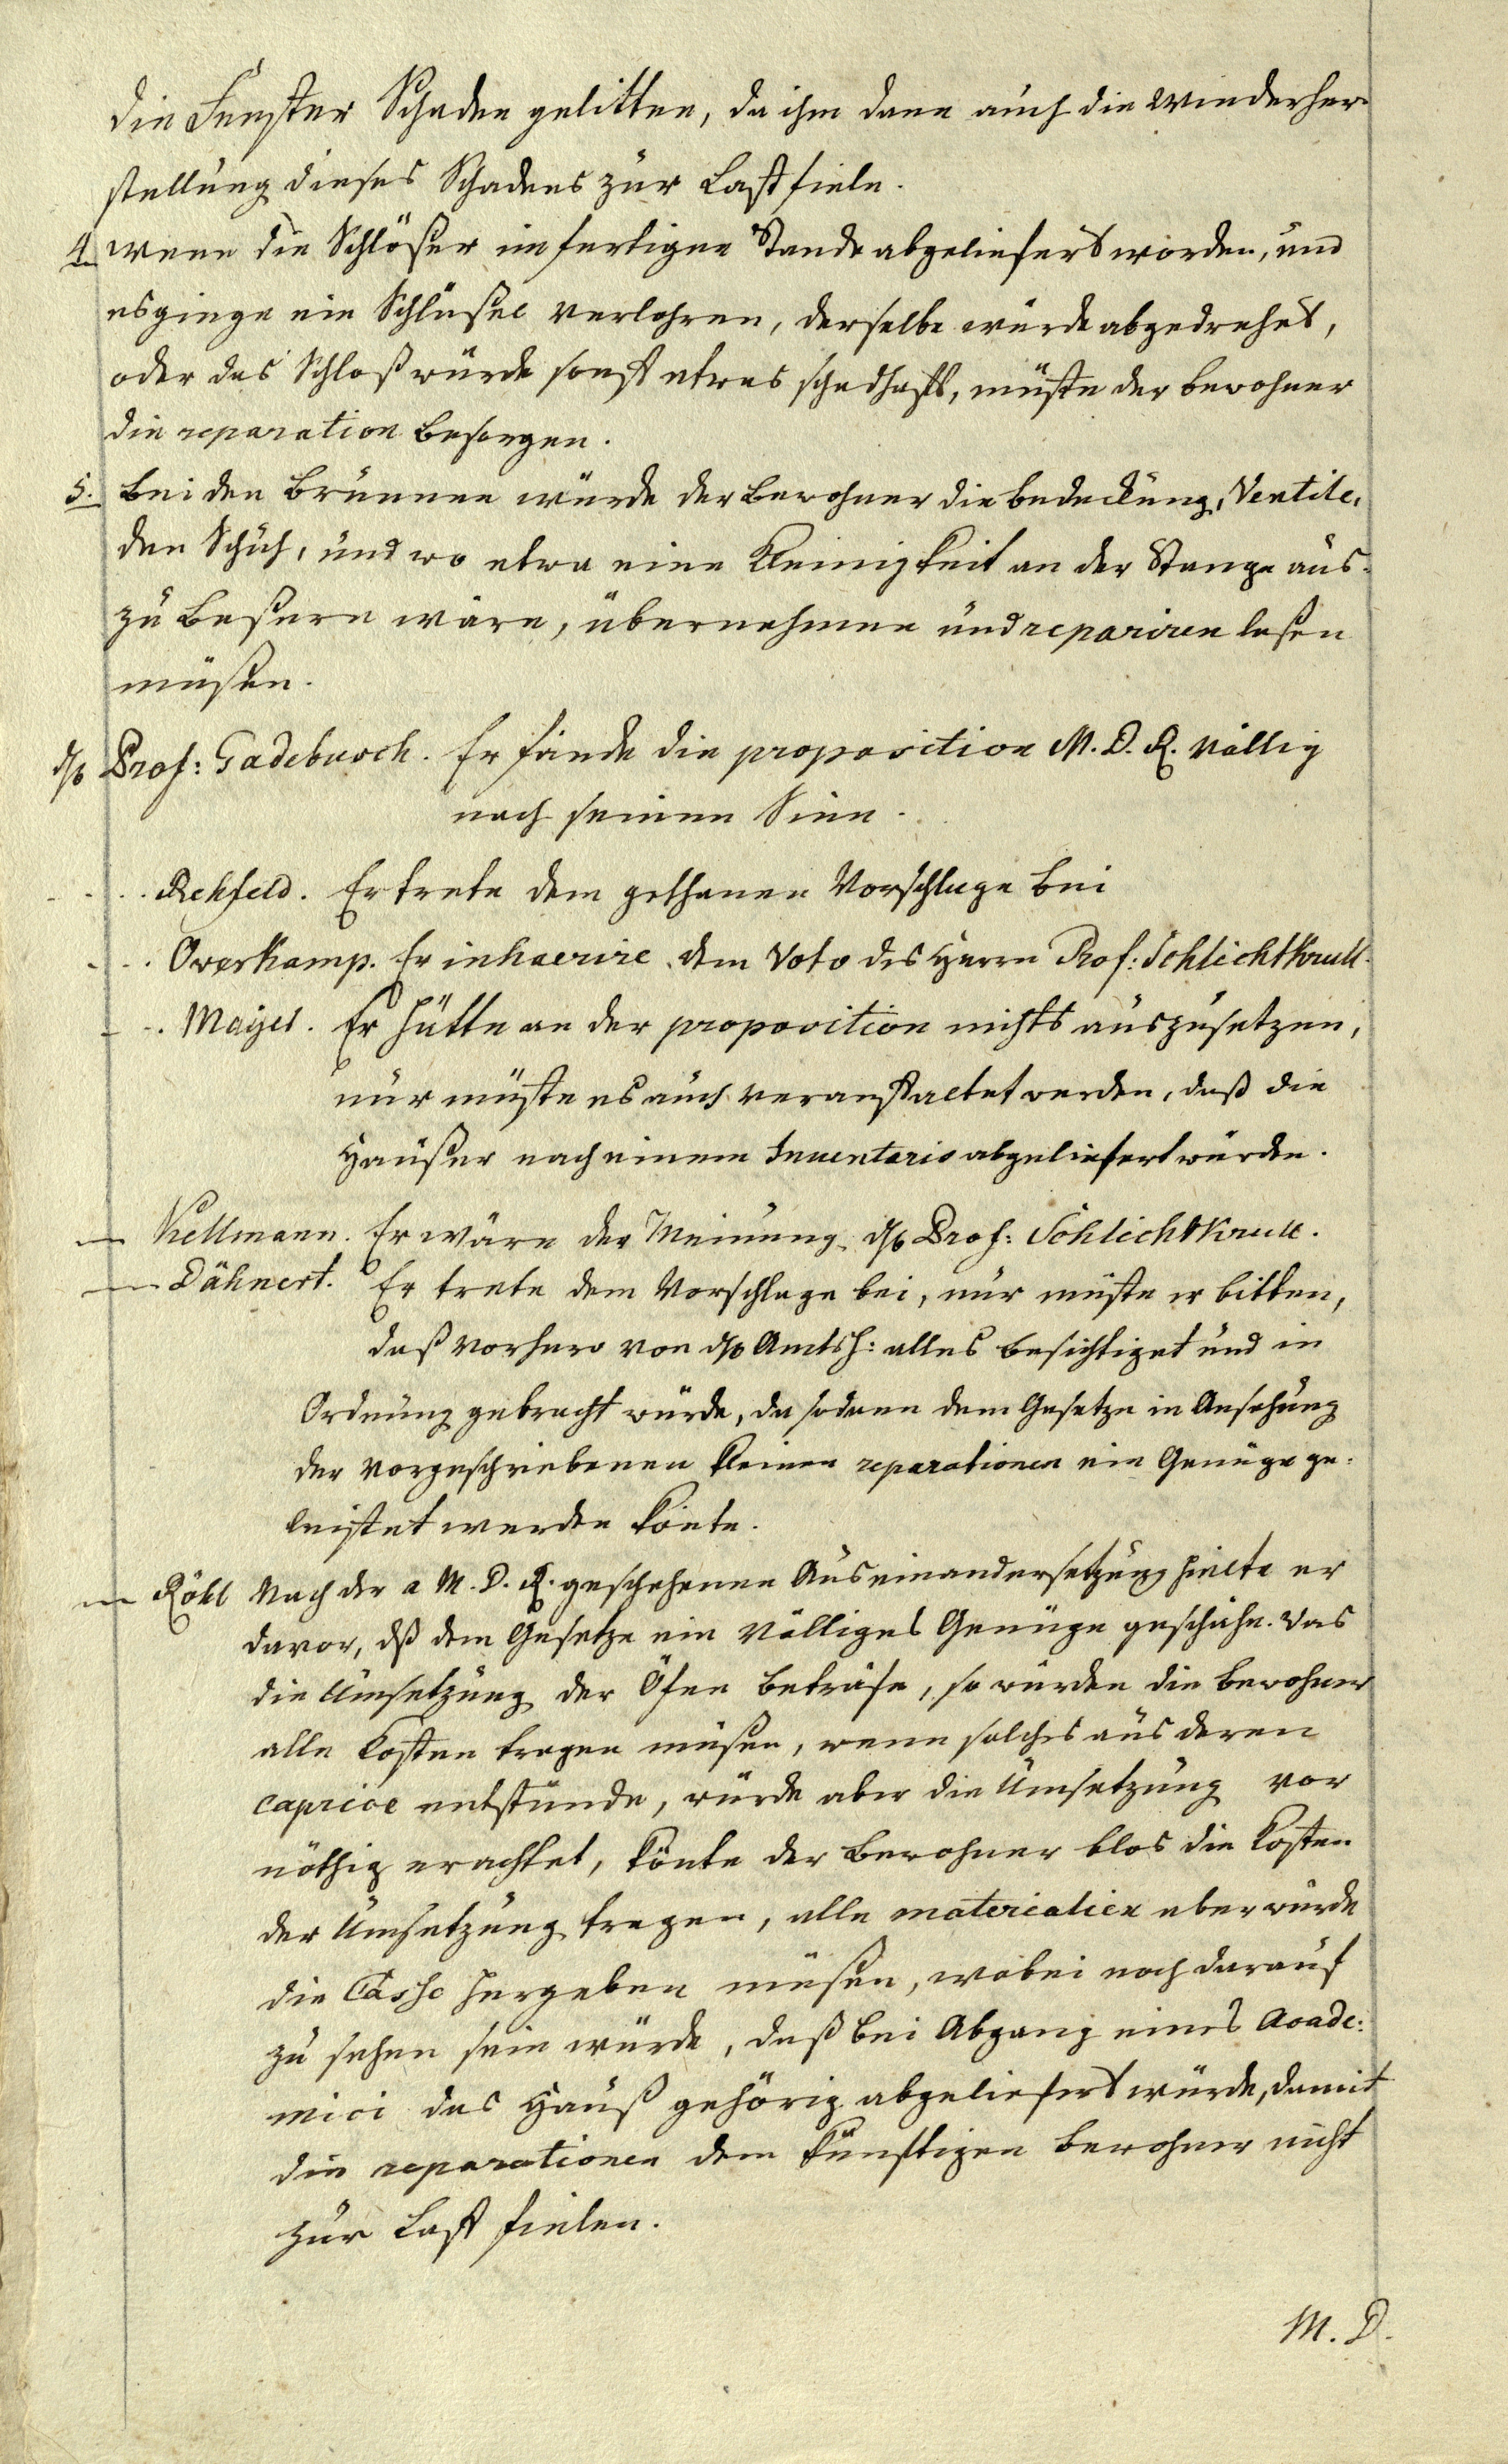die Fenster Schaden gelitten, da ihm dann auch die Wiederher¬
stellung dieses Schadens zur Last fiele.
4. Wenn die Schlößer im fertigen Stande abgeliefert worden, und
es ginge ein Schlüßel verlohren, derselbe würde abgedrehet,
oder das Schloß würde sonst etwas schadhaft, müste der Bewohner
die reparation besorgen.
5. Bei den Brunnen würde der Bewohner die Bedeckung, Ventile,
den Schuh,und wo etwa eine Kleinigkeit an der Stange aus¬
zubeßern wäre, übernehmen und repariren laßen
müßen.
dh. Prof. Gadebusch. Er fände die proposition M. D. R. völlig
nach seinem Sinn.
Rehfeld. Er trete dem gethanen Vorschlage bei.
Overkamp. Er inhaerire dem Voto des Herrn Prof. Schlichtkrull,
Maÿer. Er hätte an der proposition nichts auszusetzen,
nur müste es auch veranstaltet werden, daß die
Häußer nach einem Inventario abgeliefert würden.
Kellmann. Er wäre der Meinung dh. Prof. Schlichtkrull.
Dähnert. Er trete dem Vorschlage bei, nur müste er bitten,
daß vorhero von dh. Amtsh. alles besichtiget und in
Ordnung gebracht würde, da sodann dem Gesetze in Ansehung
der vorgeschriebenen kleinen reparationen ein Genüge ge¬
leistet werden könte.
Röhl. Nach der a M. D. R. geschehenen Auseinandersetzung hielte er
davor, daß dem Gesetze ein völliges Genüge geschähe. Was
die Umsetzung der Öfen beträfe, so würden die Bewohner
alle Kosten tragen müßen, wenn solches aus deren
caprice entstünde, würde aber die Umsetzung vor
nöthig erachtet, könte der Bewohner blos die Kosten
der Umsetzung tragen, alle materialien aber würde
die Casse hergeben müßen, wobei noch darauf
zu sehen sein würde, daß bei Abgang eines Acade¬
mici das Hauß gehörig abgeliefert würde, damit
die reparationen dem künftigen Bewohner nicht
zur Last fielen.
M. D.